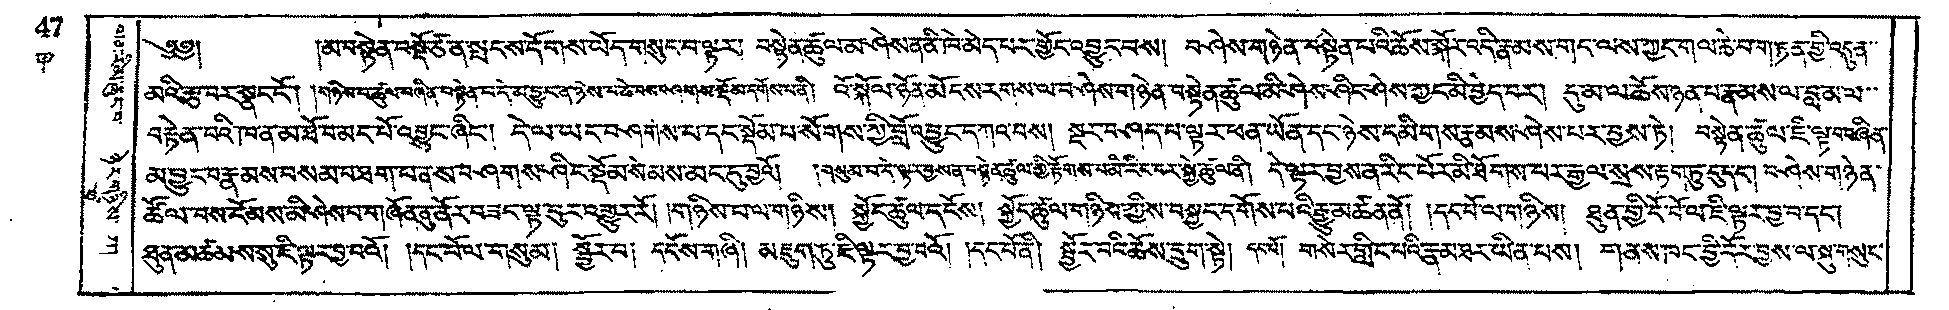༄༅། །མ་བསྟེན་བསྡོ་ཙ་ན་སྤངས་དོགས་ཡོད་གསུང་བ་ལྟར། བསྟེན་ཚུལ་མ་ཤེས་ན་ནི་ཁེ་མེད་པར་གྱོང་འབྱུང་བས། བཤེས་གཉེན་བསྟེན་པའི་ཆོས་སྐོར་འདི་རྣམས་གང་ལས་ཀྱང་གལ་ཆེ་བ་གཏན་གྱི་འདུན་
མའི་རྩ་བར་སྣང་ངོ། ། གཉིས་པ་ཚུལ་བཞིན་བསྟེན་པ་དེ་མ་བྱུང་ན་ཉེས་པ་ཆེ་བས་བཤགས་སྡོམ་དགོས་པ་ནི། འོ་སྐོལ་ཉོན་མོངས་རགས་ལ་བཤེས་གཉེན་བསྟེན་ཚུལ་མི་ཤེས་ཤིང་ཤེས་ཀྱང་མི་བྱེད་བར། དུ་མ་ལ་ཆོས་ཉན་པ་རྣམས་ལ་བླ་མ་ལ་
བརྟེན་པའི་ཁ་ན་མ་ཐོ་བ་མང་པོ་འབྱུང་ཞིང་། དེ་ལ་ཡང་བཤགས་པ་དང་སྡོམ་པ་སོགས་ཀྱི་བློ་འབྱུང་དཀའ་བས། སྔར་བཤད་པ་ལྟར་ཕན་ཡོན་དང་ཉེས་དམིགས་རྣམས་ཤེས་པར་བྱས་ཏེ། བསྟེན་ཚུལ་ཇི་ལྟ་བ་བཞིན་
མ་བྱུང་བ་རྣམས་བསམ་པ་ཐག་པ་ནས་བཤགས་ཤིང་སྡོམ་སེམས་མང་དུ་བྱའོ། ། གསུམ་པ་དེ་ལྟར་བྱས་ན་བསྟེན་ཚུལ་གྱི་རྟོགས་པ་མི་རིང་བར་སྐྱེ་ཚུལ་ནི། དེ་ལྟར་བྱས་ན་རིང་པོར་མི་ཐོགས་པར་རྒྱལ་སྲས་རྟག་ཏུ་དུ་དང་། བཤེས་གཉེན་
ཚོལ་བས་ངོམས་མི་ཤེས་པ་གཞོན་ནུ་ནོར་བཟང་ལྟ་བུར་འགྱུར་རོ། །གཉིས་པ་ལ་གཉིས། སྐྱོང་ཚུལ་དངོས། སྐྱོང་ཚུལ་གཉིས་ཀྱིས་བསྐྱང་དགོས་པའི་རྒྱུ་མཚན་ནོ། །དང་པོ་ལ་གཉིས། ཐུན་གྱི་ངོ་བོ་ལ་ཇི་ལྟར་བྱ་བ་དང་།
ཐུན་མཚམས་སུ་ཇི་ལྟར་བྱ་བའོ། །དང་པོ་ལ་གསུམ། སྦྱོར་བ། དངོས་གཞི། མཇུག་ཏུ་ཇི་ལྟར་བྱ་བའོ། །དང་པོ་ནི། སྦྱོར་བའི་ཆོས་དྲུག་སྟེ། དང་པོ། གསེར་གླིང་པའི་རྣམ་ཐར་ཡིན་པས། གནས་ཁང་བྱི་དོར་བྱས་ལ་སྐུ་གསུང་